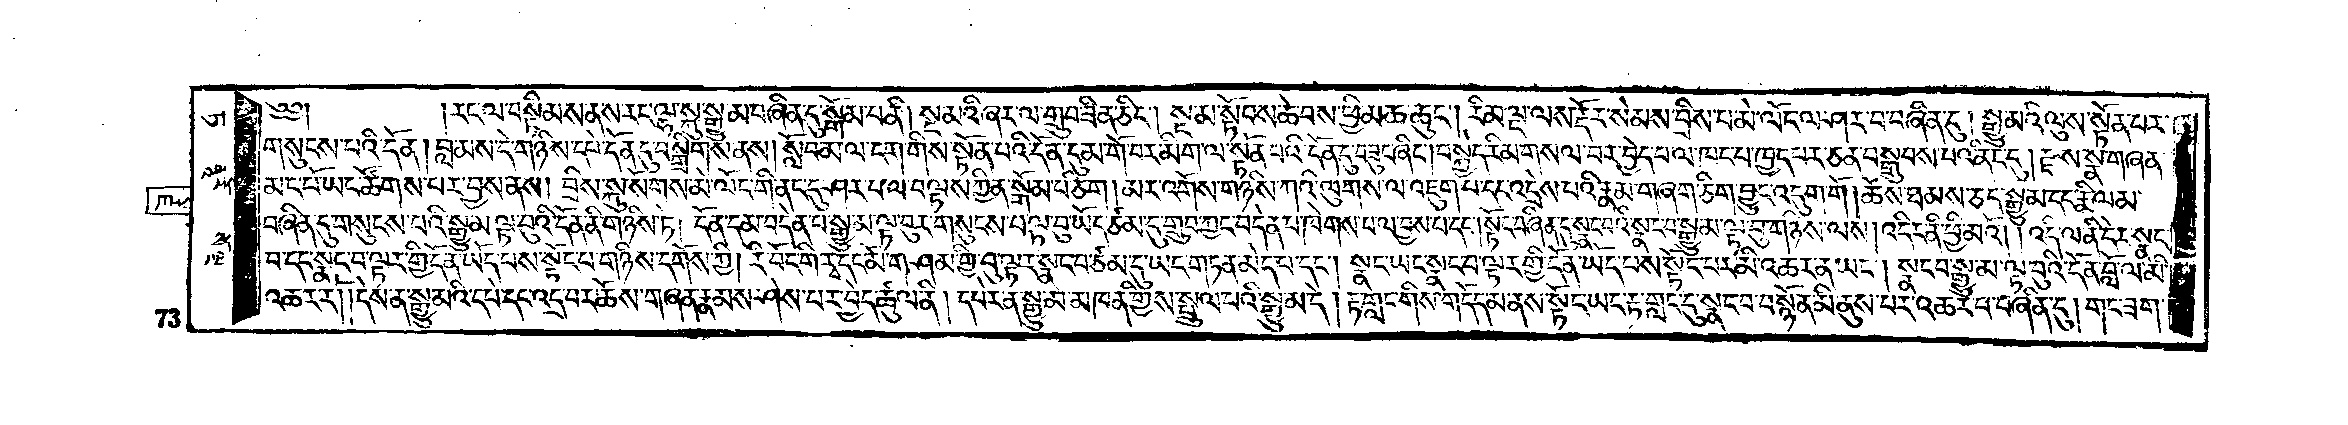༄༅། །རང་ལ་བསྟིམས་ནས་རང་ལྷ་སྐུ་སྒྱུ་མ་བཞིན་དུ་སྒོམ་པ་ནི། སྔ་མའི་ཞར་ལ་གྲུབ་ཟིན་ཅིང་། སྔ་མ་སྟོབས་ཆེ་བས་ཕྱི་མ་ཆ་ཆུང་། རིམ་ལྔ་ལས་རྡོར་སེམས་བྲིས་པ་མེ་ལོང་ལ་ཤར་བ་བཞིན་དུ། སྒྱུ་མའི་ལུས་སྟོན་པར་
གསུངས་པའི་དོན། བླ་མས་དེ་གཉིས་དཔེ་དོན་དུ་བསྒྲིགས་ནས། སློབ་མ་ལ་ངག་གིས་སྟོན་པའི་དོན་དུ་མ་གོ་བར་མིག་ལ་སྟོན་པའི་དོན་དུ་བཟུང་ཞིང་། བསྐྱེད་རིམ་གསལ་བར་བྱེད་པ་ལ་ཁང་པ་ཁྱད་པར་ཅན་བསྒྲུབས་པའི་ནང་དུ། རྫས་སྣ་གཞན་
མང་པོ་ཡང་ཚོགས་པར་བྱས་ནས། བྲིས་སྐུ་སོགས་མེ་ལོང་གི་ནང་དུ་ཤར་བ་ལ་བལྟས་ཀྱིན་སྒོམ་པ་ཅིག །མར་འགོས་གཉིས་ཀའི་ལུགས་ལ་འཇུག་པ་དང་འདྲེས་པའི་རྣམ་གཞག་ཅིག་འབྱུང་འདུག་གོ །ཆོས་ཐམས་ཅད་སྒྱུ་མ་དང་རྨི་ལམ་
བཞིན་དུ་གསུངས་པའི་སྒྱུ་མ་ལྟ་བུའི་དོན་ནི་གཉིས་ཏེ། དོན་དམ་བདེན་པ་སྒྱུ་མ་ལྟ་བུར་གསུངས་པ་ལྟ་བུ་ཡོད་ཙམ་དུ་གྲུབ་ཀྱང་བདེན་པ་ཁེགས་པ་ལ་བྱས་པ་དང་། སྟོང་བཞིན་དུ་སྣང་བའི་སྣང་བ་སྒྱུ་མ་ལྟ་བུ་གཉིས་ལས། འདིར་ནི་ཕྱི་མའོ། །འདི་ལ་ནི་དེར་སྣང་
བ་དང་སྣང་བ་ལྟར་གྱི་དོན་ཡོད་པས་སྟོང་པ་གཉིས་དགོས་ཀྱི། རི་བོང་གི་རྭ་དང་མོ་གཤམ་གྱི་བུ་ལྟར་སྣང་བ་ཙམ་དུ་ཡང་གཏན་མེད་པ་དང་། སྣང་ཡང་སྣང་བ་ལྟར་གྱི་དོན་ཡོད་པས་སྟོང་པར་མི་འཆར་ན་ཡང་། སྣང་བ་སྒྱུ་མ་ལྟ་བུའི་དོན་བློ་ལ་མི་
འཆར་རོ། །དེས་ན་སྒྱུ་མའི་དཔེ་དང་འདྲ་བར་ཆོས་གཞན་རྣམས་ཤེས་པར་བྱེད་ཚུལ་ནི། དཔེར་ན་སྒྱུ་མ་མཁན་གྱིས་སྤྲུལ་པའི་སྒྱུ་མ་དེ། རྟ་གླང་གིས་གདོད་མ་ནས་སྟོང་ཡང་རྟ་གླང་དུ་སྣང་བ་བསྙོན་མི་ནུས་པར་འཆར་བ་བཞིན་དུ། གང་ཟག་